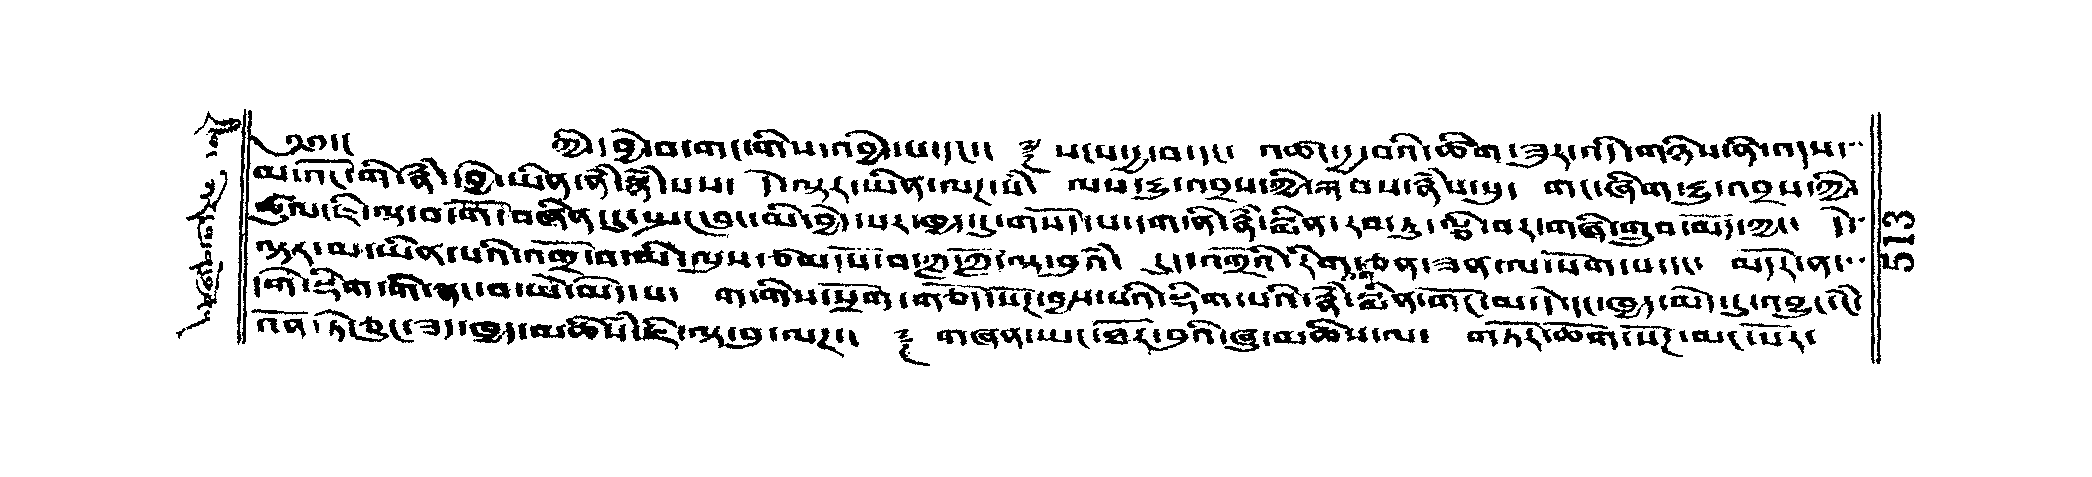ཀྱི་དབྱེ་བ་གང་གིས་འབྱེད་པ་དང་། ༈ སངས་རྒྱ་བ་དང་། འཚང་རྒྱ་བའི་ཚིག་ཟུར་འདི་གཉིས་ནི་འདས་
མ་འོངས་ཀྱི་རྣམ་དབྱེ་ཡིན་ནམ་སྙམ་པས།དེ་ལྟར་ཡིན་ལགས་སམ། ལས་རྒྱུ་འབྲས་ཀྱི་སྐབས་རྣམས་སུ། གང་ཞིག་རྒྱུ་འབྲས་ཀྱི་
ཚུལ་ཇི་ལྟ་བ་གོ་བཞིན་དུ་སྤང་བླང་མི་བྱེད་པར་ཁྱད་དུ་གསོད་པ་དག་ནི་རྣམ་སྨིན་རབ་ཏུ་ལྕི་བར་གཞི་གྲུབ་མོད་ཀྱང་། དེ་
ལྟར་མ་ཡིན་པའི་འགྲོ་བ་མི་ལུས་ཙམ་པོ་བ་ཀླ་ཀློ་ལྟ་བུའམ། དུད་འགྲོའི་རིགས་གཅན་ཟན་ལ་སོགས་པ་དང་། མདོར་ན་
དགེ་སྡིག་གི་སྣང་བ་ཡེ་མེད་པ་དག་གིས་སྲོག་གཅོད་སོགས་བྱས་པའི་སྡིག་པའི་རྣམ་སྨིན་གོང་མ་དེ་དང་ཁྱད་མེད་དུ་འབྱུང་ངམ་
འོན་ཏེ་ཅུང་ཟད་ཁྱད་མཆིས་སམ་ཇི་ལྟ་བུ་ལགས། ༈ གཞན་ཡང་ཐོར་བུའི་ཞུ་མཆིད་ལ། གཏོར་ཆོག་སོགས་མང་པོར་